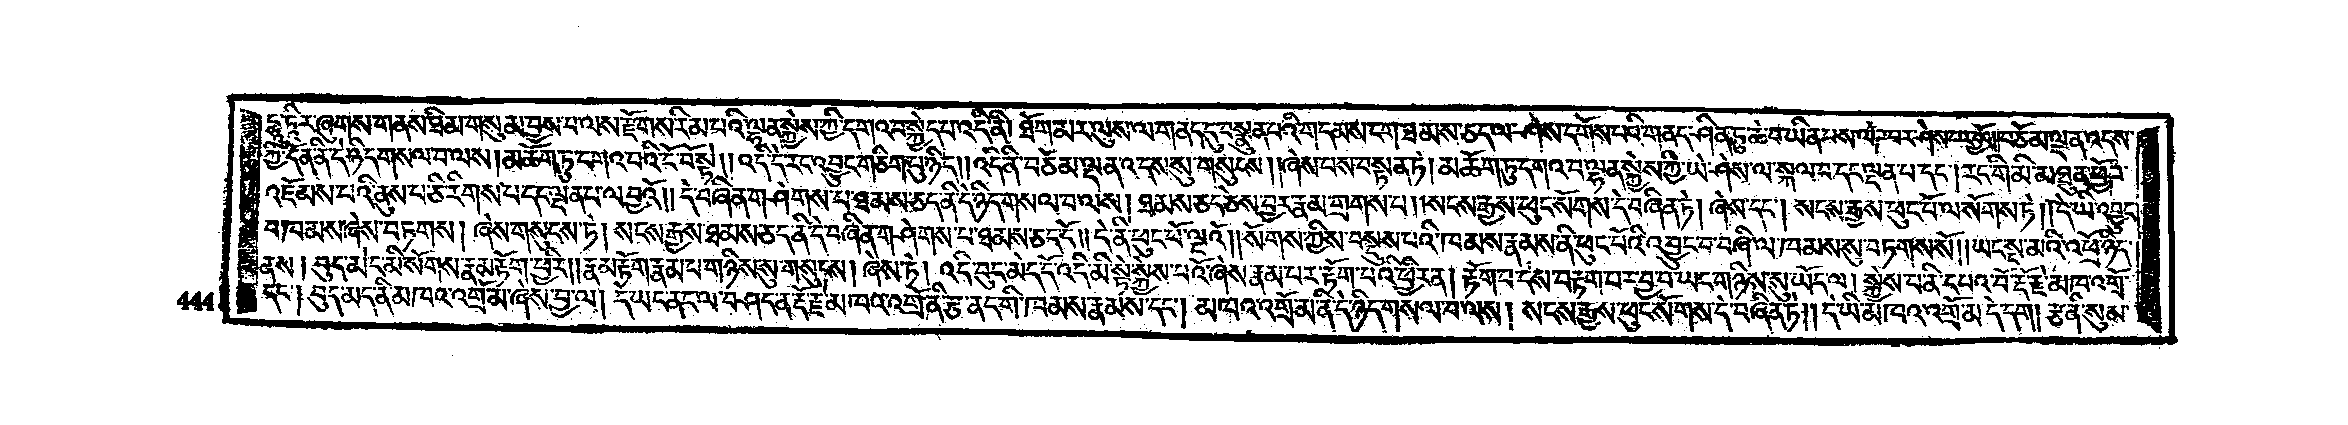དྷཱུ་ཏཱིར་ཞུགས་གནས་ཐིམ་གསུམ་བྱས་པ་ལས་རྫོགས་རིམ་པའི་ལྷན་སྐྱེས་ཀྱི་དགའ་བ་སྐྱེད་པ་འདི་ནི། ཐོག་མར་ལུས་ལ་གནད་དུ་བསྣུན་པའི་གདམས་ངག་ཐམས་ཅད་ལ་ཤེས་དགོས་པའི་གནད་ཤིན་ཏུ་ཆེ་བ་ཡིན་པས་ལེགས་པར་ཤེས་པར་བྱའོ། །བཅོམ་ལྡན་འདས་
ཀྱི་དོན་ནི་དེ་ཉིད་གསལ་བ་ལས། མཆོག་ཏུ་དགའ་བའི་ངོ་བོ་སྟེ། །འདི་དེ་རང་འབྱུང་གཅིག་པུ་ཉིད། །འདི་ནི་བཅོམ་ལྡན་འདས་སུ་གསུངས། །ཞེས་པས་བསྟན་ཏེ། མཆོག་ཏུ་དགའ་བ་ལྷ་སྐྱེས་ཀྱི་ཡེ་ཤེས་ལ་སྐལ་བ་དང་ལྡན་པ་དང་། རང་གི་མི་མཐུན་ཕྱོགས་
འཇོམས་པའི་ནུས་པ་ཅི་རིགས་པ་དང་ལྡན་པ་ལ་བྱའོ། །དེ་བཞིན་གཤེགས་པ་ཐམས་ཅད་ནི་དེ་ཉིད་གསལ་བ་ལས། ཐམས་ཅད་ཅེས་བྱར་རྣམ་གྲགས་པ། །སངས་རྒྱས་ཕུང་སོགས་དེ་བཞིན་ཏེ། ཞེས་དང་། སངས་རྒྱས་ཕུང་པོ་ལ་སོགས་ཏེ། །དེ་ཡི་འབྱུང་
བ་ཁམས་ཞེས་བཏགས། ཞེས་གསུངས་ཏེ། སངས་རྒྱས་ཐམས་ཅད་ནི་དེ་བཞིན་གཤེགས་པ་ཐམས་ཅད་དོ། །དེ་ནི་ཕུང་པོ་ལྔའོ། །སོགས་ཀྱིས་བསྡུས་པའི་ཁམས་རྣམས་ནི་ཕུང་པོའི་འབྱུང་བ་བཞི་ལ་ཁམས་སུ་བཏགས་སོ། །ཡང་སྔ་མའི་འཕྲོ་ཉིད་
ནས། བུད་མེད་མི་སོགས་རྣམ་རྟོག་ཕྱིར། །རྣམ་རྟོག་རྣམ་པ་གཉིས་སུ་གསུངས། ཞེས་ཏེ། འདི་བུད་མེད་དོ་འདི་མི་སྟེ་སྐྱེས་པའོ་ཞེས་རྣམ་པར་རྟོག་པའི་ཕྱིར་ན། རྟོག་པ་དེས་བརྟག་པར་བྱ་བ་ཡང་གཉིས་སུ་ཡོད་ལ། སྐྱེས་པ་ནི་དཔའ་བོ་རྡོ་རྗེ་མཁའ་འགྲོ་
དང་། བུད་མེད་ནི་མཁའ་འགྲོ་མ་ཞེས་བྱ་ལ། དེ་ཡང་ནང་ལ་བཤད་ན་རྡོ་རྗེ་མཁའ་འགྲོ་ནི་རྩ་ནང་གི་ཁམས་རྣམས་དང་། མཁའ་འགྲོ་མ་ནི་དེ་ཉིད་གསལ་བ་ལས། སངས་རྒྱས་ཕུང་སོགས་དེ་བཞིན་ཏེ། །དེ་ཡི་མཁའ་འགྲོ་མ་དེ་དག །རྩ་ནི་སུམ་